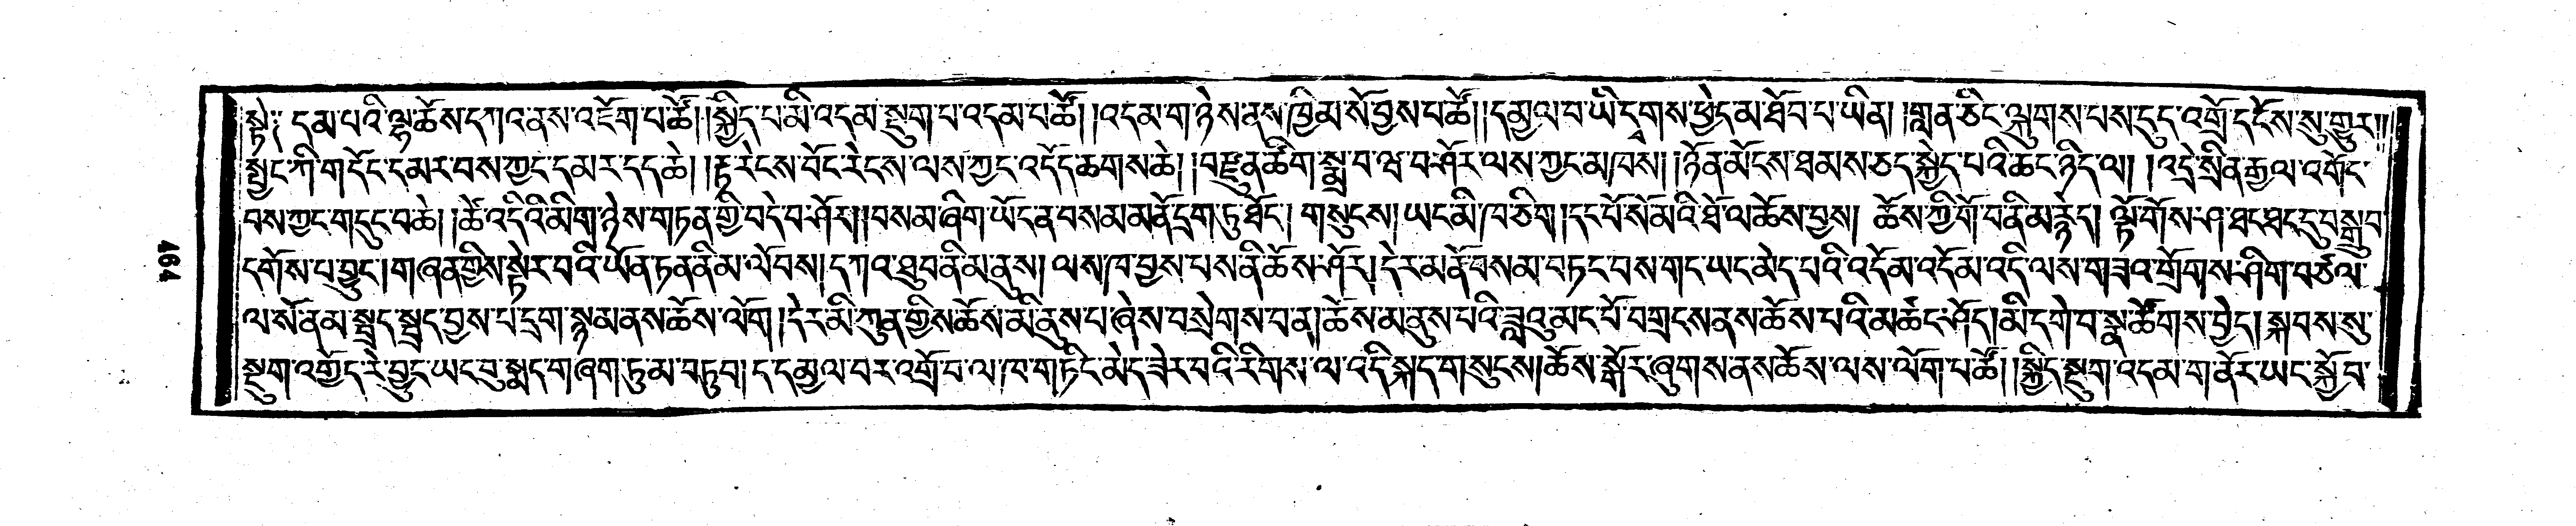སྟེ༑ དམ་པའི་ལྷ་ཆོས་དཀའ་ནས་འཇོག་པ་ཚོ། །སྐྱིད་པ་མི་འདམ་སྡུག་པ་འདམ་པ་ཚོ། །འདམ་ག་ཉེས་ནས་ཁྱིམ་སོ་བྱས་པ་ཚོ། །དམྱལ་བ་ཡི་དྭགས་ཕྱེད་མ་ཐོབ་པ་ཡིན། །གླན་ཅིང་ལྐུགས་པས་དུད་འགྲོ་དངོས་སུ་གྱུར། །
སྤྱང་ཀི་གདོང་དམར་བས་ཀྱང་དམར་དད་ཆེ། །རྟ་རེངས་བོང་རེངས་ལས་ཀྱང་འདོད་ཆགས་ཆེ། །བརྫུན་ཚིག་སྨྲ་བ་ཝ་བཤོར་ལས་ཀྱང་མཁས། །ཉོན་མོངས་ཐམས་ཅད་སྐྱེད་པའི་ཆང་ཉིད་ལ། །འདྲེ་སྲིན་རྒྱལ་འགོང་
བས་ཀྱང་གདུང་བ་ཆེ། །ཚེ་འདིའི་མིག་ཉེས་གཏན་གྱི་བདེ་བ་ཤོར། །བསམ་ཞིག་ཡོད་ན་བསམ་མནོ་དྲག་ཏུ་ཐོང་། གསུངས། ཡང་མི་ཁ་ཅིག །དང་པོ་སོ་མའི་ཐོ་ལ་ཆོས་བྱས། ཆོས་ཀྱི་གོ་བ་ནི་མ་རྙེད། ལྟོ་གོས་ཤ་ཐང་ཐང་དུ་བསྒྲུབ་
དགོས་པ་བྱུང་། གཞན་གྱིས་སྟེར་བའི་ཡོན་ཏན་ནི་མ་ལོབས། དཀའ་ཐུབ་ནི་མ་ནུས། ལས་ཁ་བྱས་པས་ནི་ཆོས་ཤོར། དེར་མནོ་བསམ་བཏང་བས་གང་ཡང་མེད་པའི་འདོམ་འདོམ་འདི་ལས་གཟའ་གྲོགས་ཤིག་བཙལ་
ལ་སོ་ནམ་སྤྲད་སྤྲད་བྱས་པ་དྲག་སྙམ་ནས་ཆོས་ལོག །དེར་མི་ཀུན་གྱིས་ཆོས་མི་ནུས་པ་ཞེས་བསྲེགས་པ་ན། ཆོས་མ་ནུས་པའི་ཟླའུ་མང་པོ་བགྲངས་ནས་ཆོས་པའི་མཚང་ཤོད། མི་དགེ་བ་སྣ་ཚོགས་བྱེད། སྐབས་སུ་
སྡུག་འགྱོད་རེ་བྱུང་ཡང་བུ་སྨད་གཞག་ཏུ་མ་བཏུབ། ད་དམྱལ་བར་འགྲོ་བ་ལ་ཁ་གཏིང་མེད་ཟེར་བའི་རིགས་ལ་འདི་སྐད་གསུངས། ཆོས་སྒོར་ཞུགས་ནས་ཆོས་ལས་ལོག་པ་ཚོ། །སྐྱིད་སྡུག་འདམ་ག་ནོར་ཡང་སྐྱོབ་